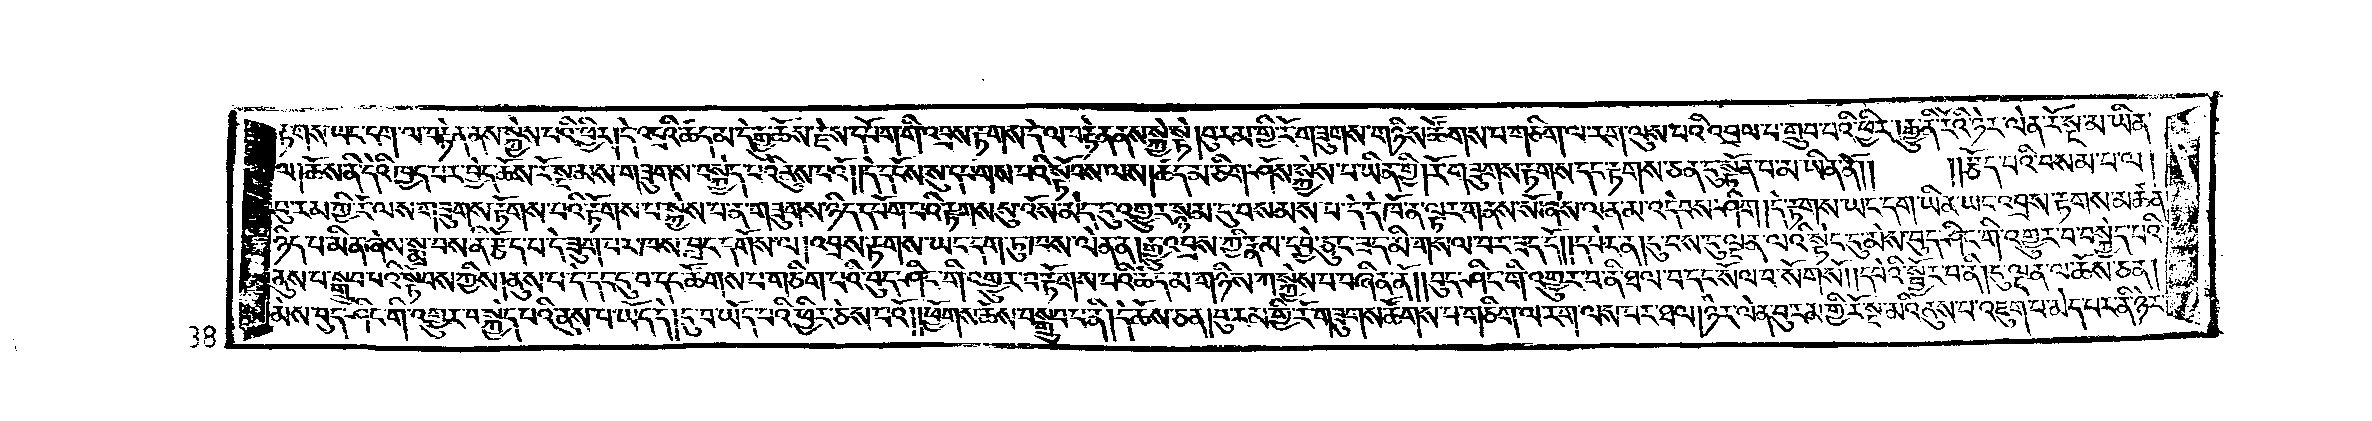རྟགས་ཡང་དག་ལ་བརྟེན་ནས་སྐྱེས་པའི་ཕྱིར། དེ་འདྲའི་ཚད་མ་དེ་རྒྱུ་ཆོས་རྗེས་དཔོག་གི་འབྲས་རྟགས་དེ་ལ་བརྟེན་ནས་སྐྱེ་སྟེ། བུ་རམ་གྱི་རོ་གཟུགས་གཉིས་ཚོགས་པ་གཅིག་ལ་རག་ལུས་པའི་འབྲལ་པ་གྲུབ་པའི་ཕྱིར། རྒྱུ་ནི་རོའི་ཉེར་ལེན་རོ་སྔ་མ་ཡིན་
ལ། ཆོས་ནི་དེའི་ཁྱད་པར་བྱེད་ཆོས་རོ་སྔ་མས་གཟུགས་བསྐྱེད་པའི་ནུས་པའོ། །དེ་དངོས་སུ་དཔགས་པའི་སྟོབས་ལས། ཚད་མ་ཅིག་ཤོས་སྐྱེས་པ་ཡིན་གྱི། རོ་གཟུགས་རྟགས་དང་རྟགས་ཅན་དུ་སྟོན་པ་མ་ཡིན་ནོ།། །།རྩོད་པའི་བསམ་པ་ལ།
བུ་རམ་གྱི་རོ་ལས་གཟུགས་རྟོགས་པའི་རྟོགས་པ་སྐྱེས་པ་ན་གཟུགས་ཉིད་དཔོག་པའི་རྟགས་སུ་འོས་མེད་དུ་འགྱུར་སྙམ་དུ་བསམས་པ་དེ་དེ་ཁོ་ན་ལྟར་གནས་སོ་ཞེས་ལན་མ་འདེབས་ཤིག །དེ་རྟགས་ཡང་དག་ཡིན་ཡང་འབྲས་རྟགས་མཚན་
ཉིད་པ་མིན་ཞེས་སྨྲ་བས་ནི་རྩོད་པ་དེ་ཟུག་པར་ཁས་བླང་དགོས་ལ། འབྲས་རྟགས་ཡང་དག་ཏུ་ཁས་ལེན་ན། རྒྱུ་འབྲས་ཀྱི་རྣམ་དབྱེ་ཅུང་ཟད་མི་གསལ་བར་ཟད་དོ། །དཔེར་ན། དུ་བས་དུ་ལྡན་ལའི་སྟེང་དུ་མེས་བུད་ཤིང་གི་འགྱུར་བ་བསྐྱེད་པའི་
ནུས་པ་སྒྲུབ་པའི་སྟོབས་ཀྱིས། ནུས་པ་དེ་དང་དུ་བ་དང་ཚོགས་པ་གཅིག་པའི་བུད་ཤིང་གི་འགྱུར་བ་རྟོགས་པའི་ཚད་མ་གཉིས་ཀ་སྐྱེས་པ་བཞིན་ནོ། །བུད་ཤིང་གི་འགྱུར་བ་ནི་ཐལ་བ་དང་སོལ་བ་སོགས་སོ། །དཔེའི་སྦྱོར་བ་ནི། དུ་ལྡན་ལ་ཆོས་ཅན།
མེས་བུད་ཤིང་གི་འགྱུར་བ་སྐྱེད་པའི་ནུས་པ་ཡོད་དེ། དུ་བ་ཡོད་པའི་ཕྱིར་ཅེས་པའོ། །ཕྱོགས་ཆོས་བསྒྲུབ་པ་ནི། དེ་ཆོས་ཅན། བུ་རམ་གྱི་རོ་གཟུགས་ཚོགས་པ་གཅིག་ལ་རག་ལས་པར་ཐལ། ཉེར་ལེན་བུ་རམ་གྱི་རོ་སྔ་མའི་ནུས་པ་འཇུག་པ་མེད་པར་ནི་ཉེར་